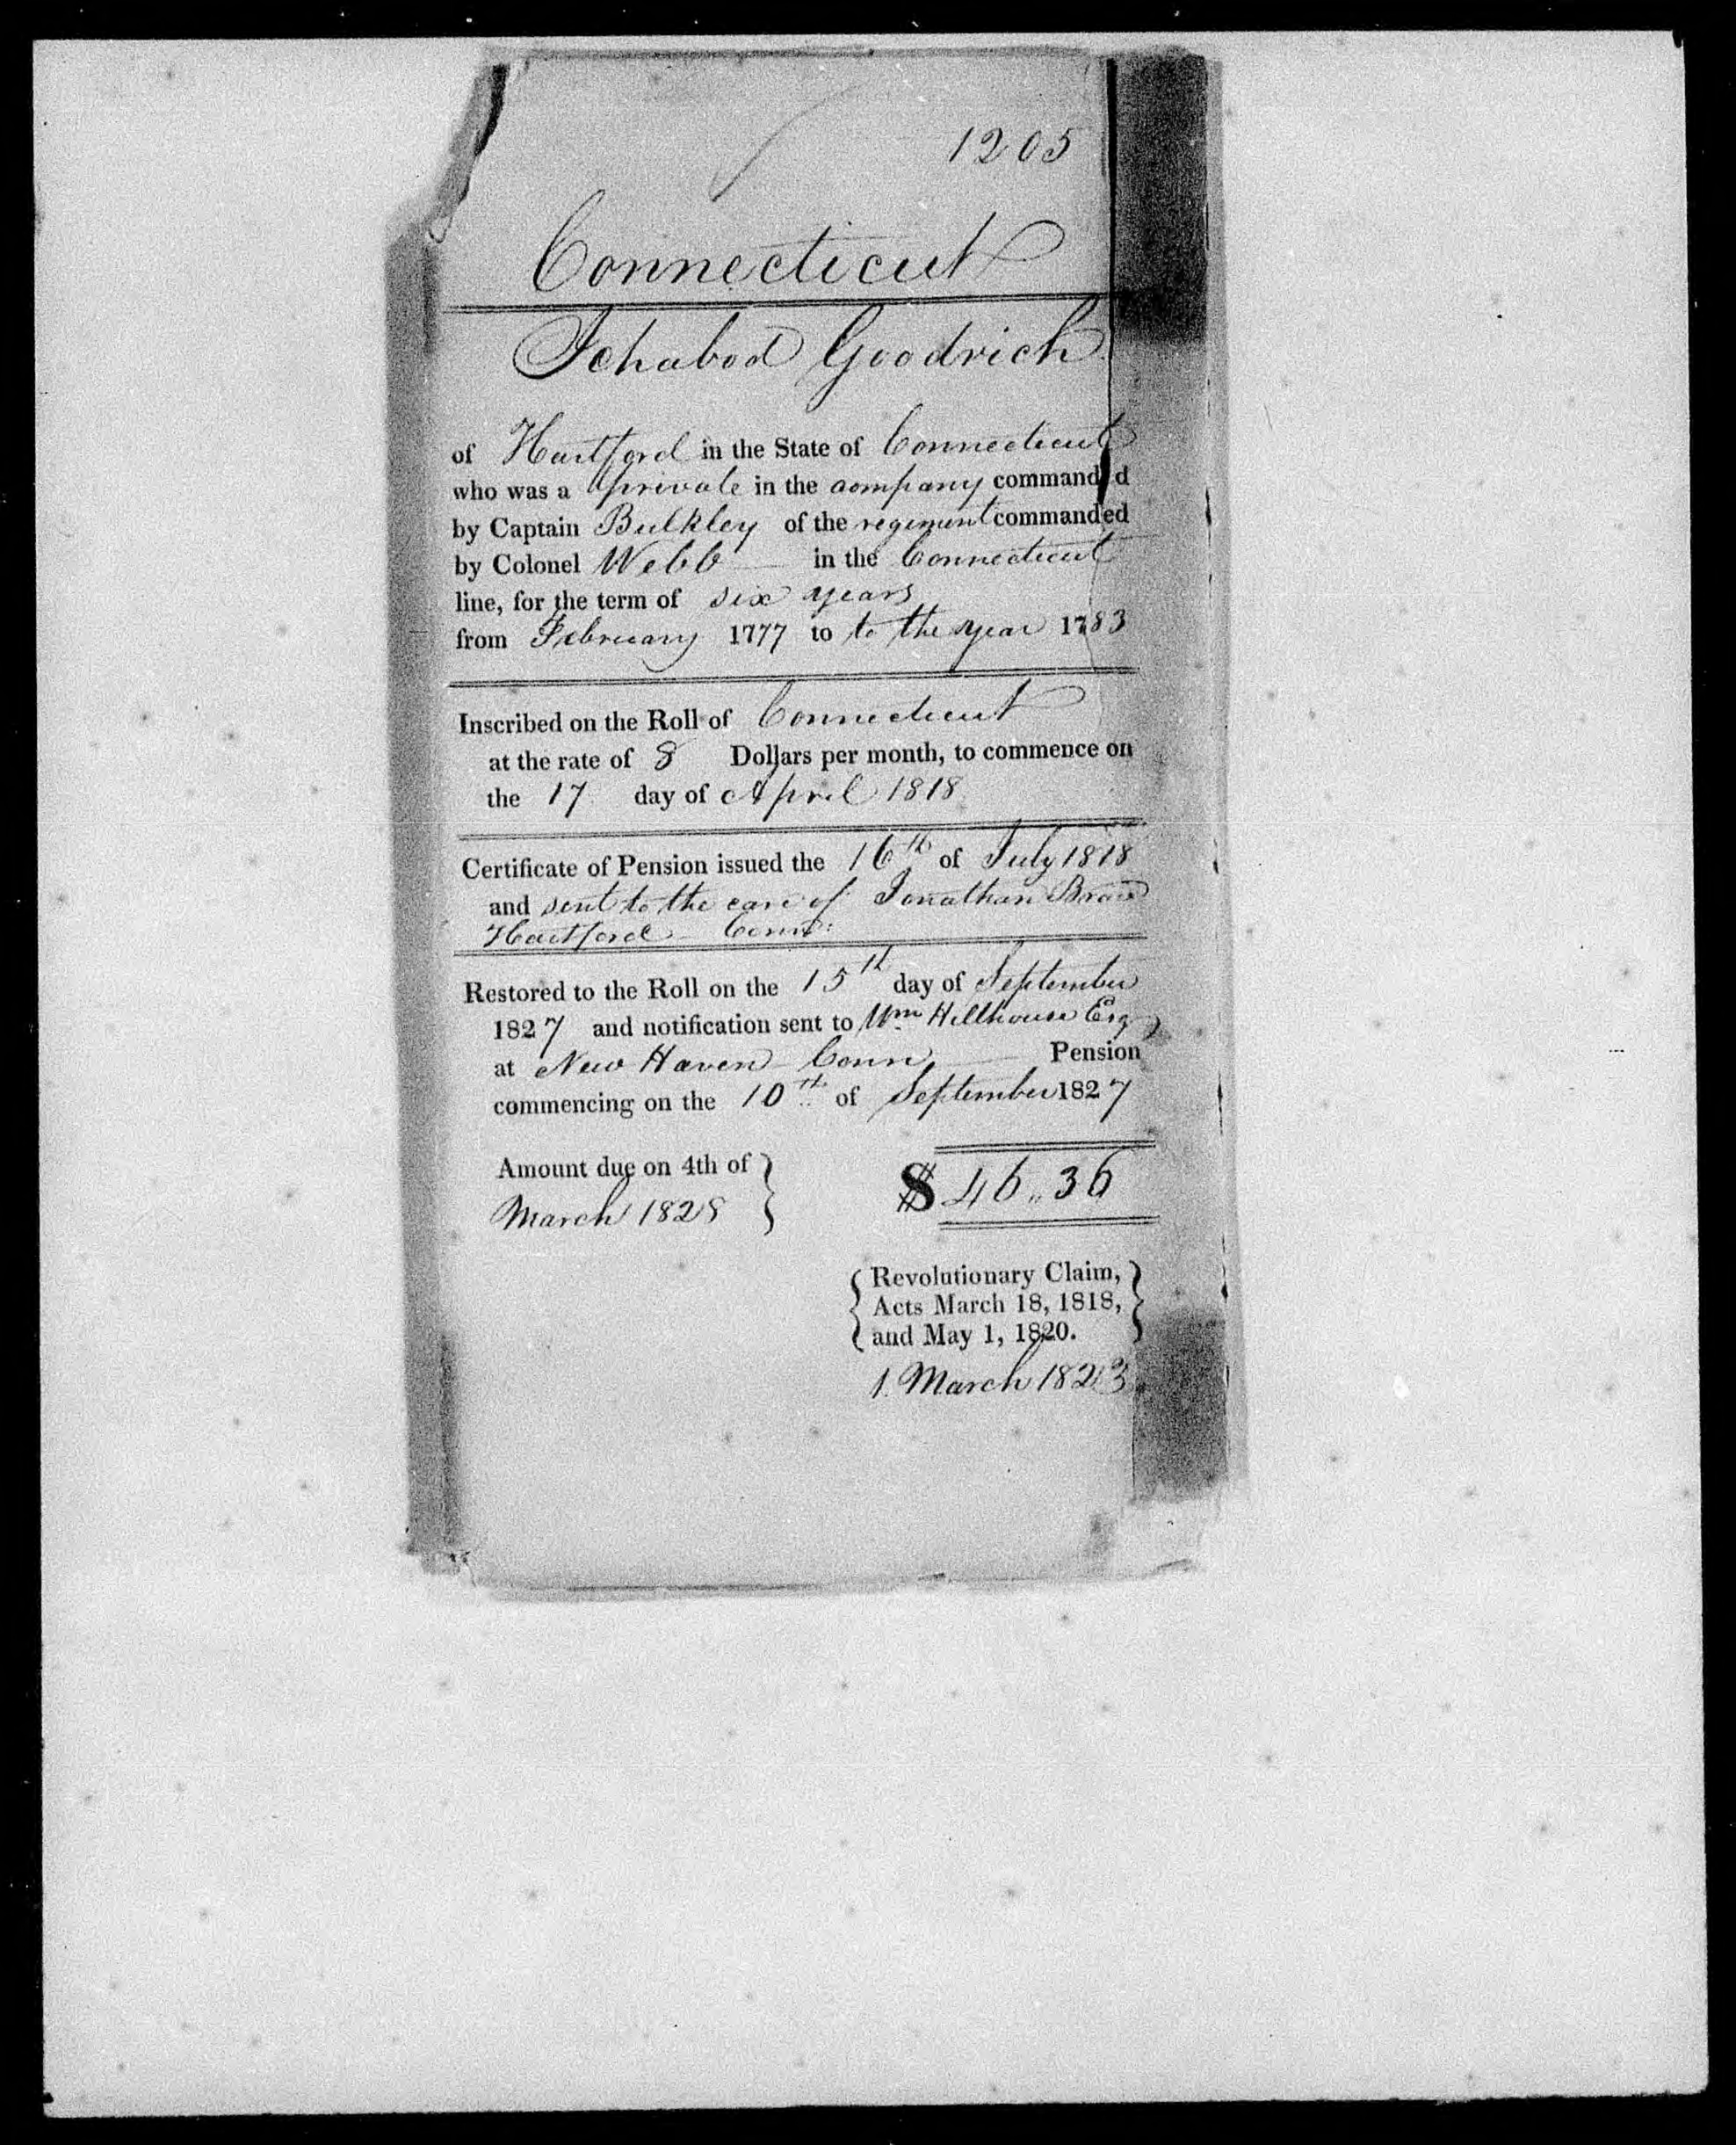1205

Connecticut
Ichabod Goodrich
of Hartford in the State of Connecticut who was a private in the company commanded by Captain Bulkley of the regiment commanded by Colonel Webb in the Connecticut line, for the term of six years from February 1777 to  to the year 1783

Inscribed on the Roll Connecticut at the rate of 8 Dollars per month, to commence on the 17 day of April 1818

Certificate of Pension issued the 16th of July 1818 and sent to the care of Jonathan Brace Hartford Conn

Restored to the Roll on the 15th day of September 1827 and notification sent to Wm Hillhouse Esq at New Haven Conn Pension commencing on the 10th of September 1827

Amount due on 4th of March 1828

$46.36

Revolutionary Claim, 
Acts March 1818, 
and May 1, 1820.
1 March 1823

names: Webb, Bulkley, Jonathan Brace, Wm Hillhouse, Ichabod Goodrich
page: 2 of 46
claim: survivor's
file: S. 36,556, Ichabod Goodrich, Conn.